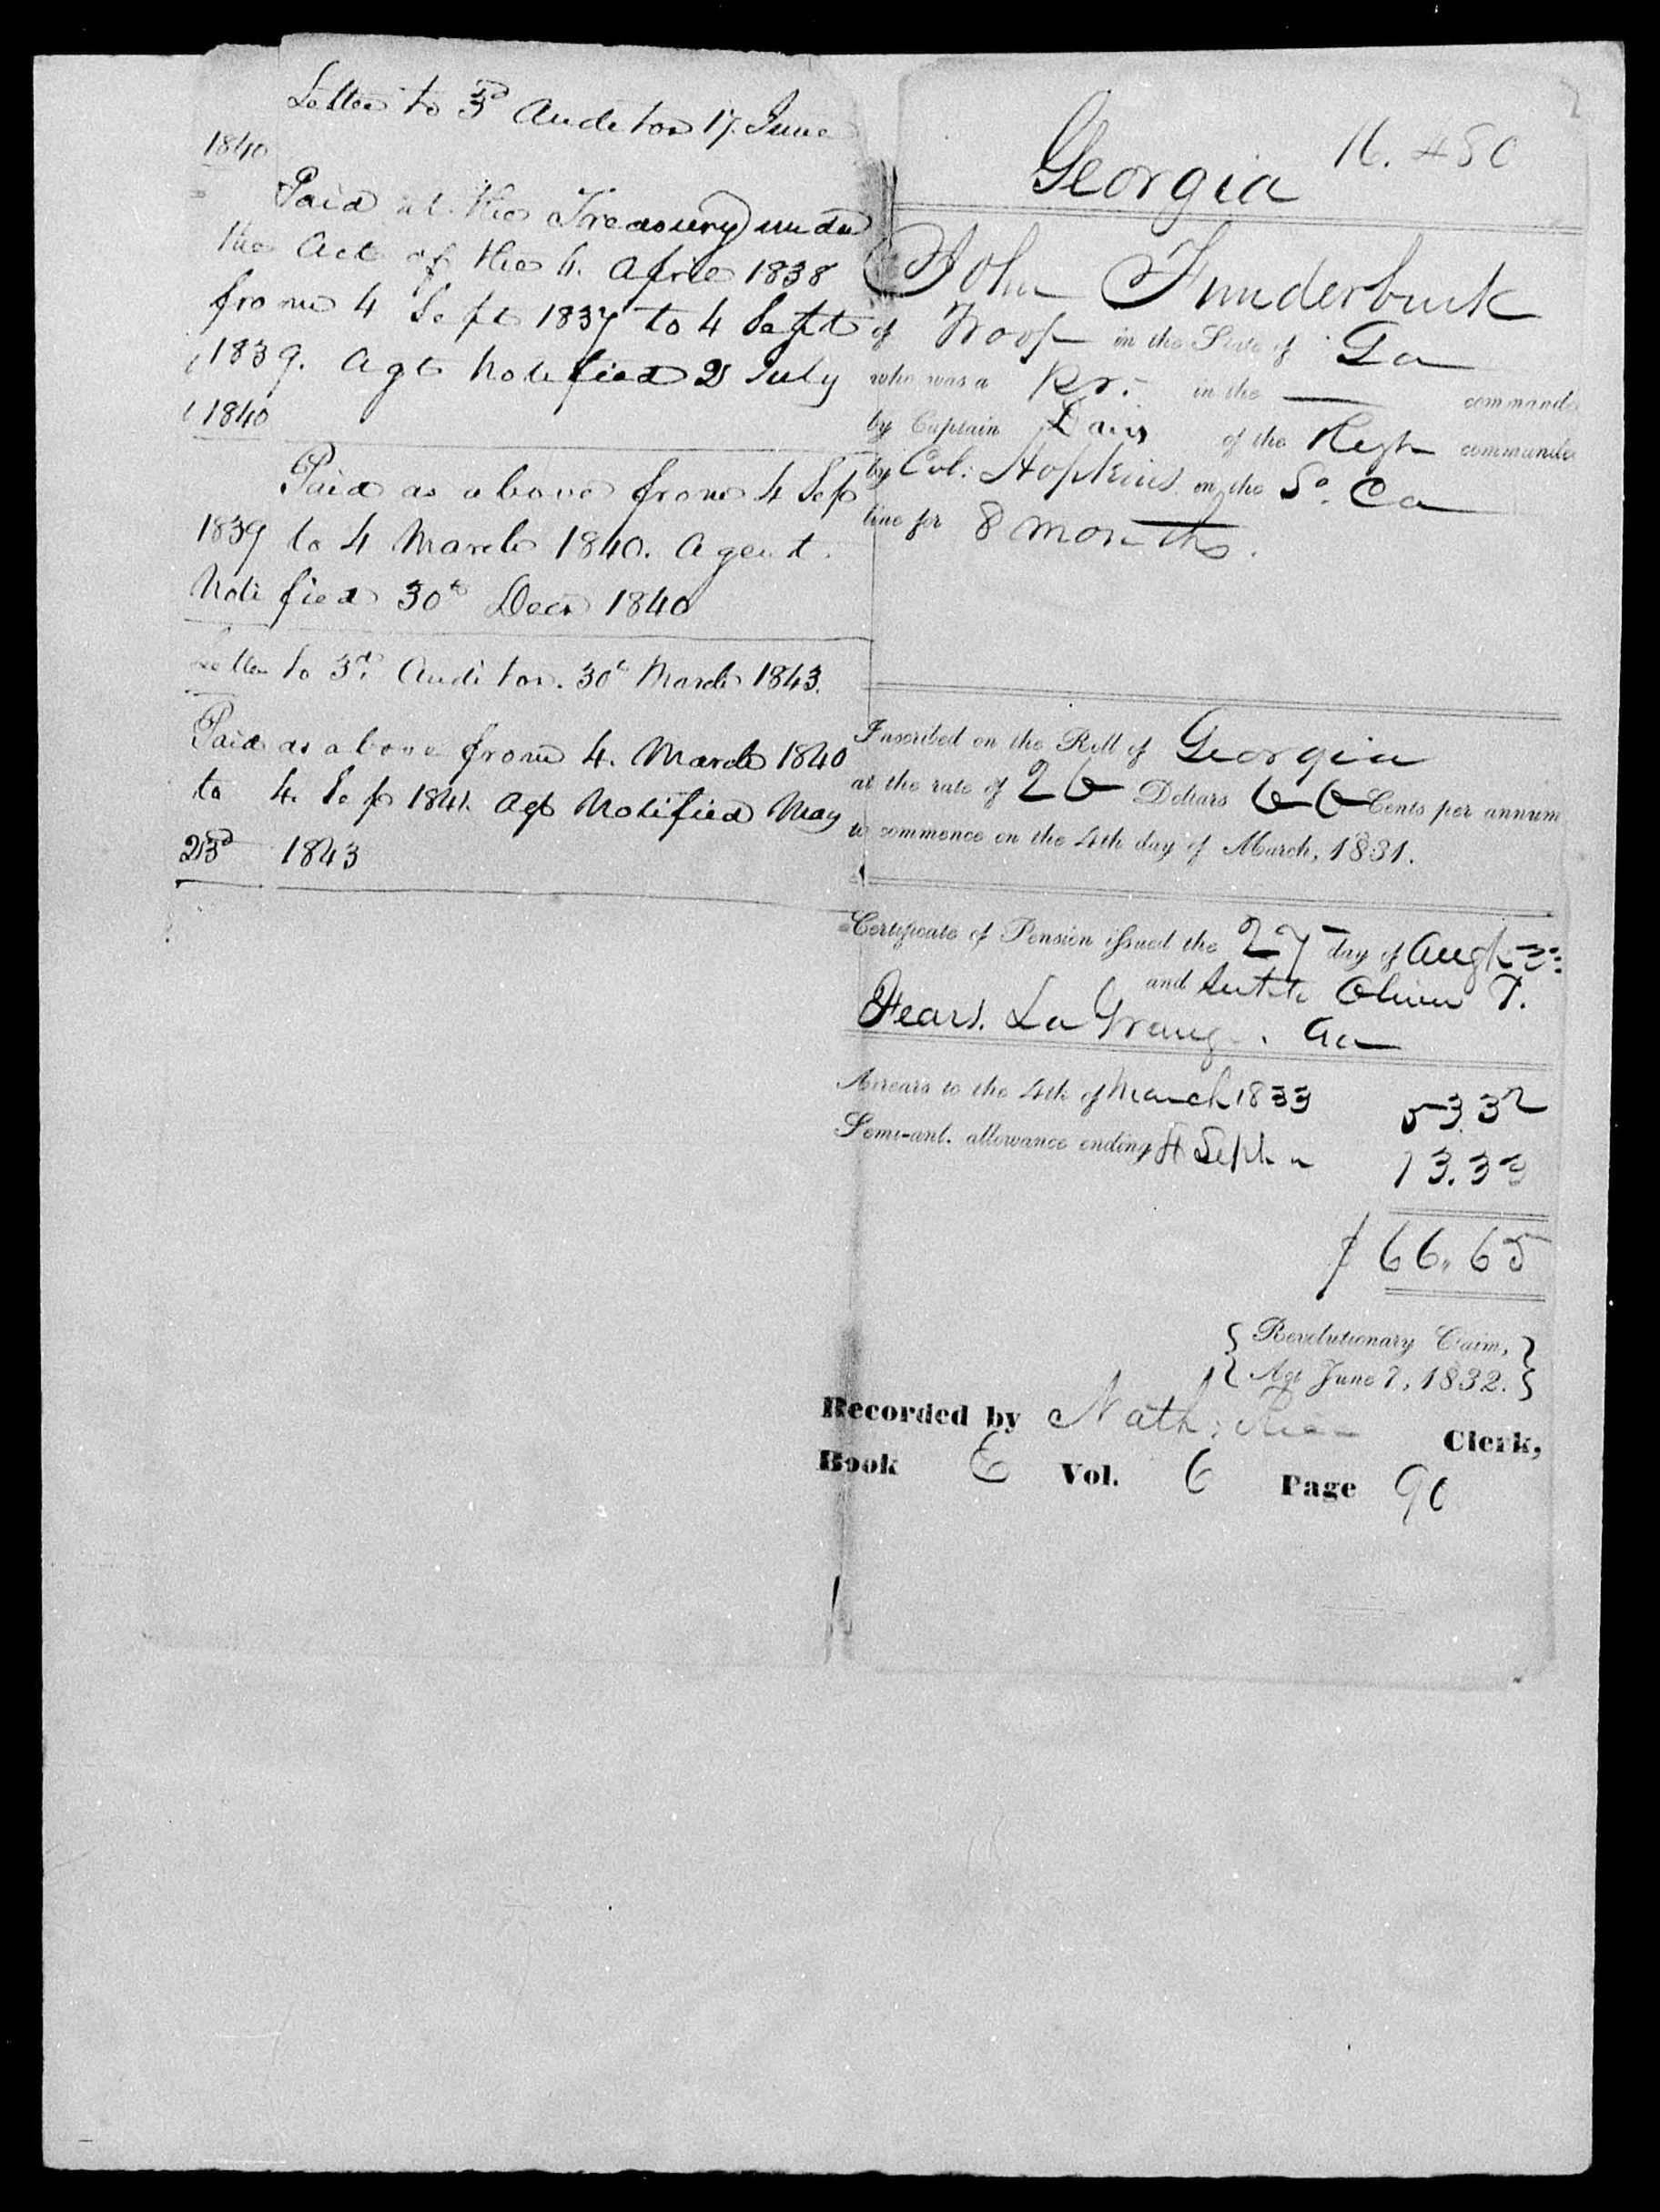[Right side of page]
Letter to 3d Auditor 17 June
1840

Paid at the Treasury under
the Act of the 4 April 1838
from 4 Sept 1837 to 4 Sept
1839. Agt notified 2 July
1840

Paid as above from 4 Sep
1839 to 4 March 1840. Agent
notified 30th Dec 1840

Letter to 3d Auditor. 30th March 1843.

Paid as above from 4. March 1840
to 4. Sep 1841. Agt notified May
23d 1843

[Right side of page]
Georgia 16.480

John Funderbuck
of Troop in the State of Ga
who was a Rr. in the ____ command
by Captain Davis of the Regt command
by Col. Hopkins on the So. Ca
line for 8 months.


Inscribed on the Roll of Georgia
at the rate of 20 Dollars 00 Cents per annum
to commence on the 4th day of March, 1831.

Certificate of Pension issued the 27 day of Augt 3[illegible]
and Sent to Oliver T.
Fears. LaGrange. Ga

Arrears to the 4th of March 1833
Semi-anl. allowance ending A Sept.

53.32
13.33
_____
$66.65

{ Revolutionary Claim, }
{ Agt June 7, 1832 }

Recorded by Nath. Rice Clerk,
Book E Vol. 6 Page 90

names: Oliver P Fears, John Funderburk, Nath Rice, Hopkins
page: 2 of 23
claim: survivor's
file: S. 31,682, John Funderbuck, S.C.